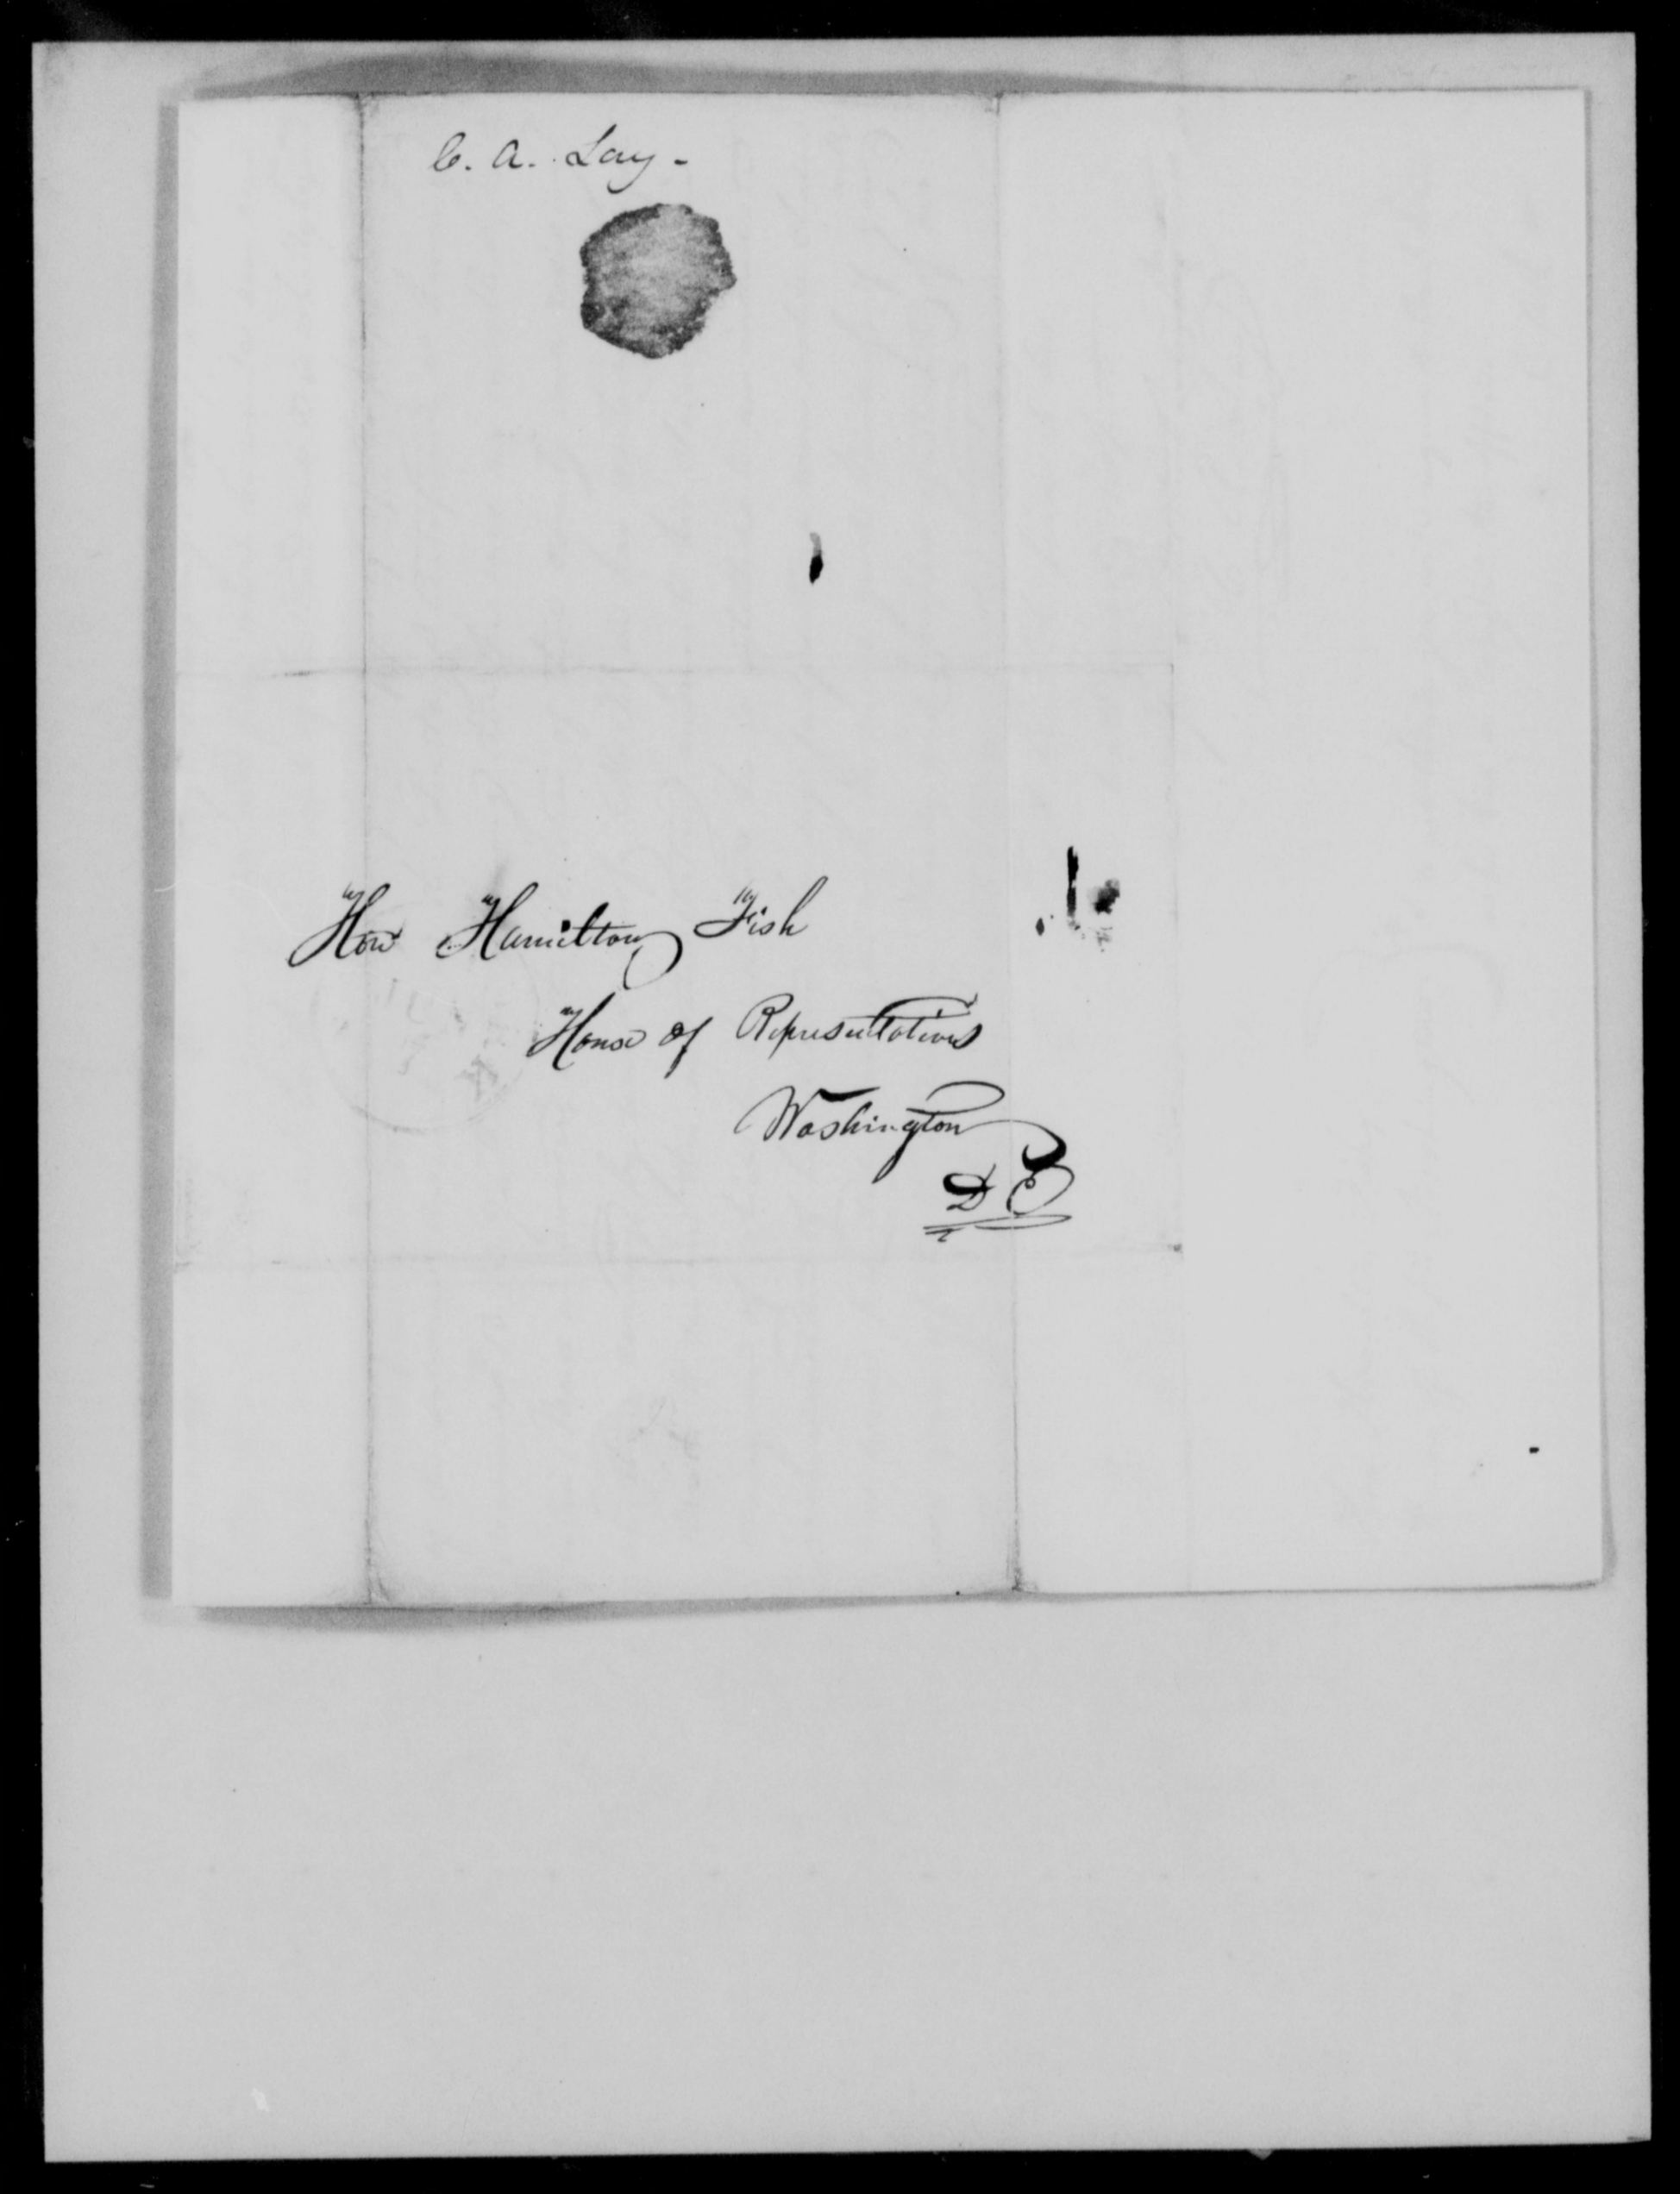C.A. Lay

Hon Hamilton Fish
 House of Representatives
 Washington D.C.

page: 80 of 101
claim: widow's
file: W. 25481, for Peter V Tilyou, New Jersey